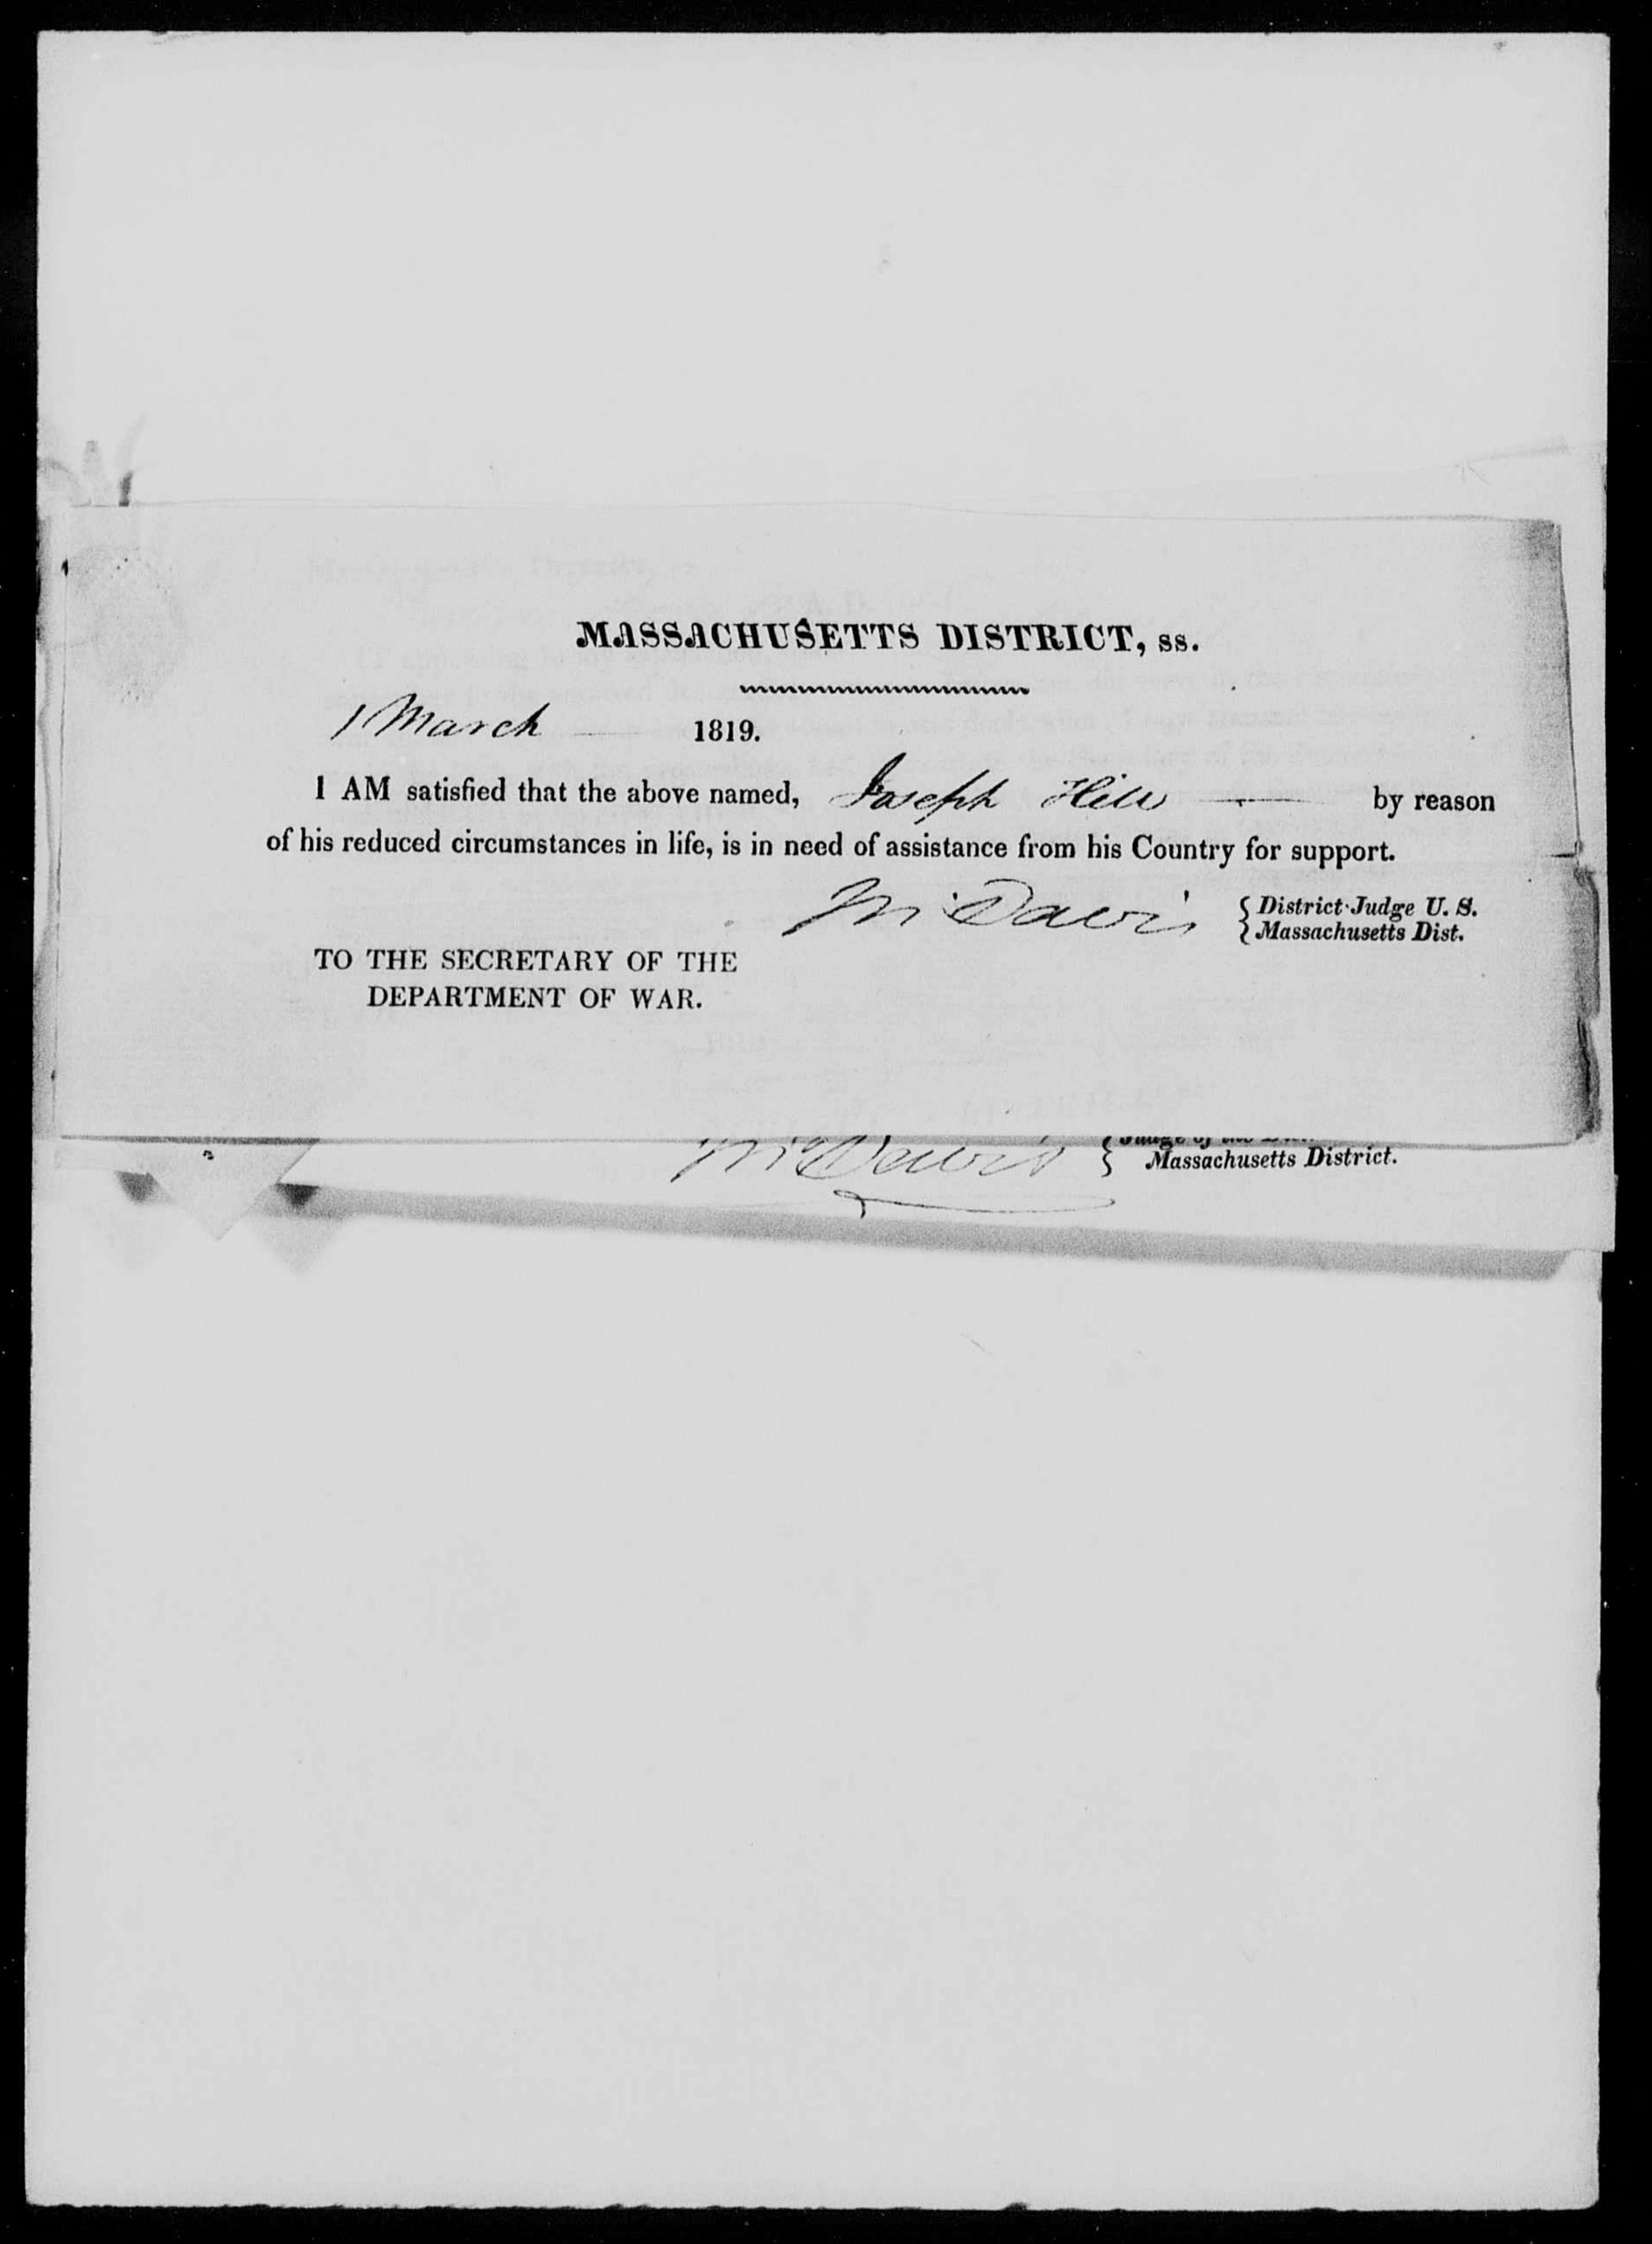MASSACHUSETTS DISTRICT, ss

1 March 1819

I AM satisfied that the above named Joseph Hill by reason of his reduced circumstances in life is in need of assistance from his Country for support.

M. Davis
District Judge U.S. 
Massachusetts


 TO THE SECRETARY OF THE 
DEPARTMENT OF WAR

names: Joseph Hill, Jno Davis, Jno Davis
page: 13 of 14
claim: survivor's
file: S. 3,3303, Joseph Hill, Continental (Mass.)